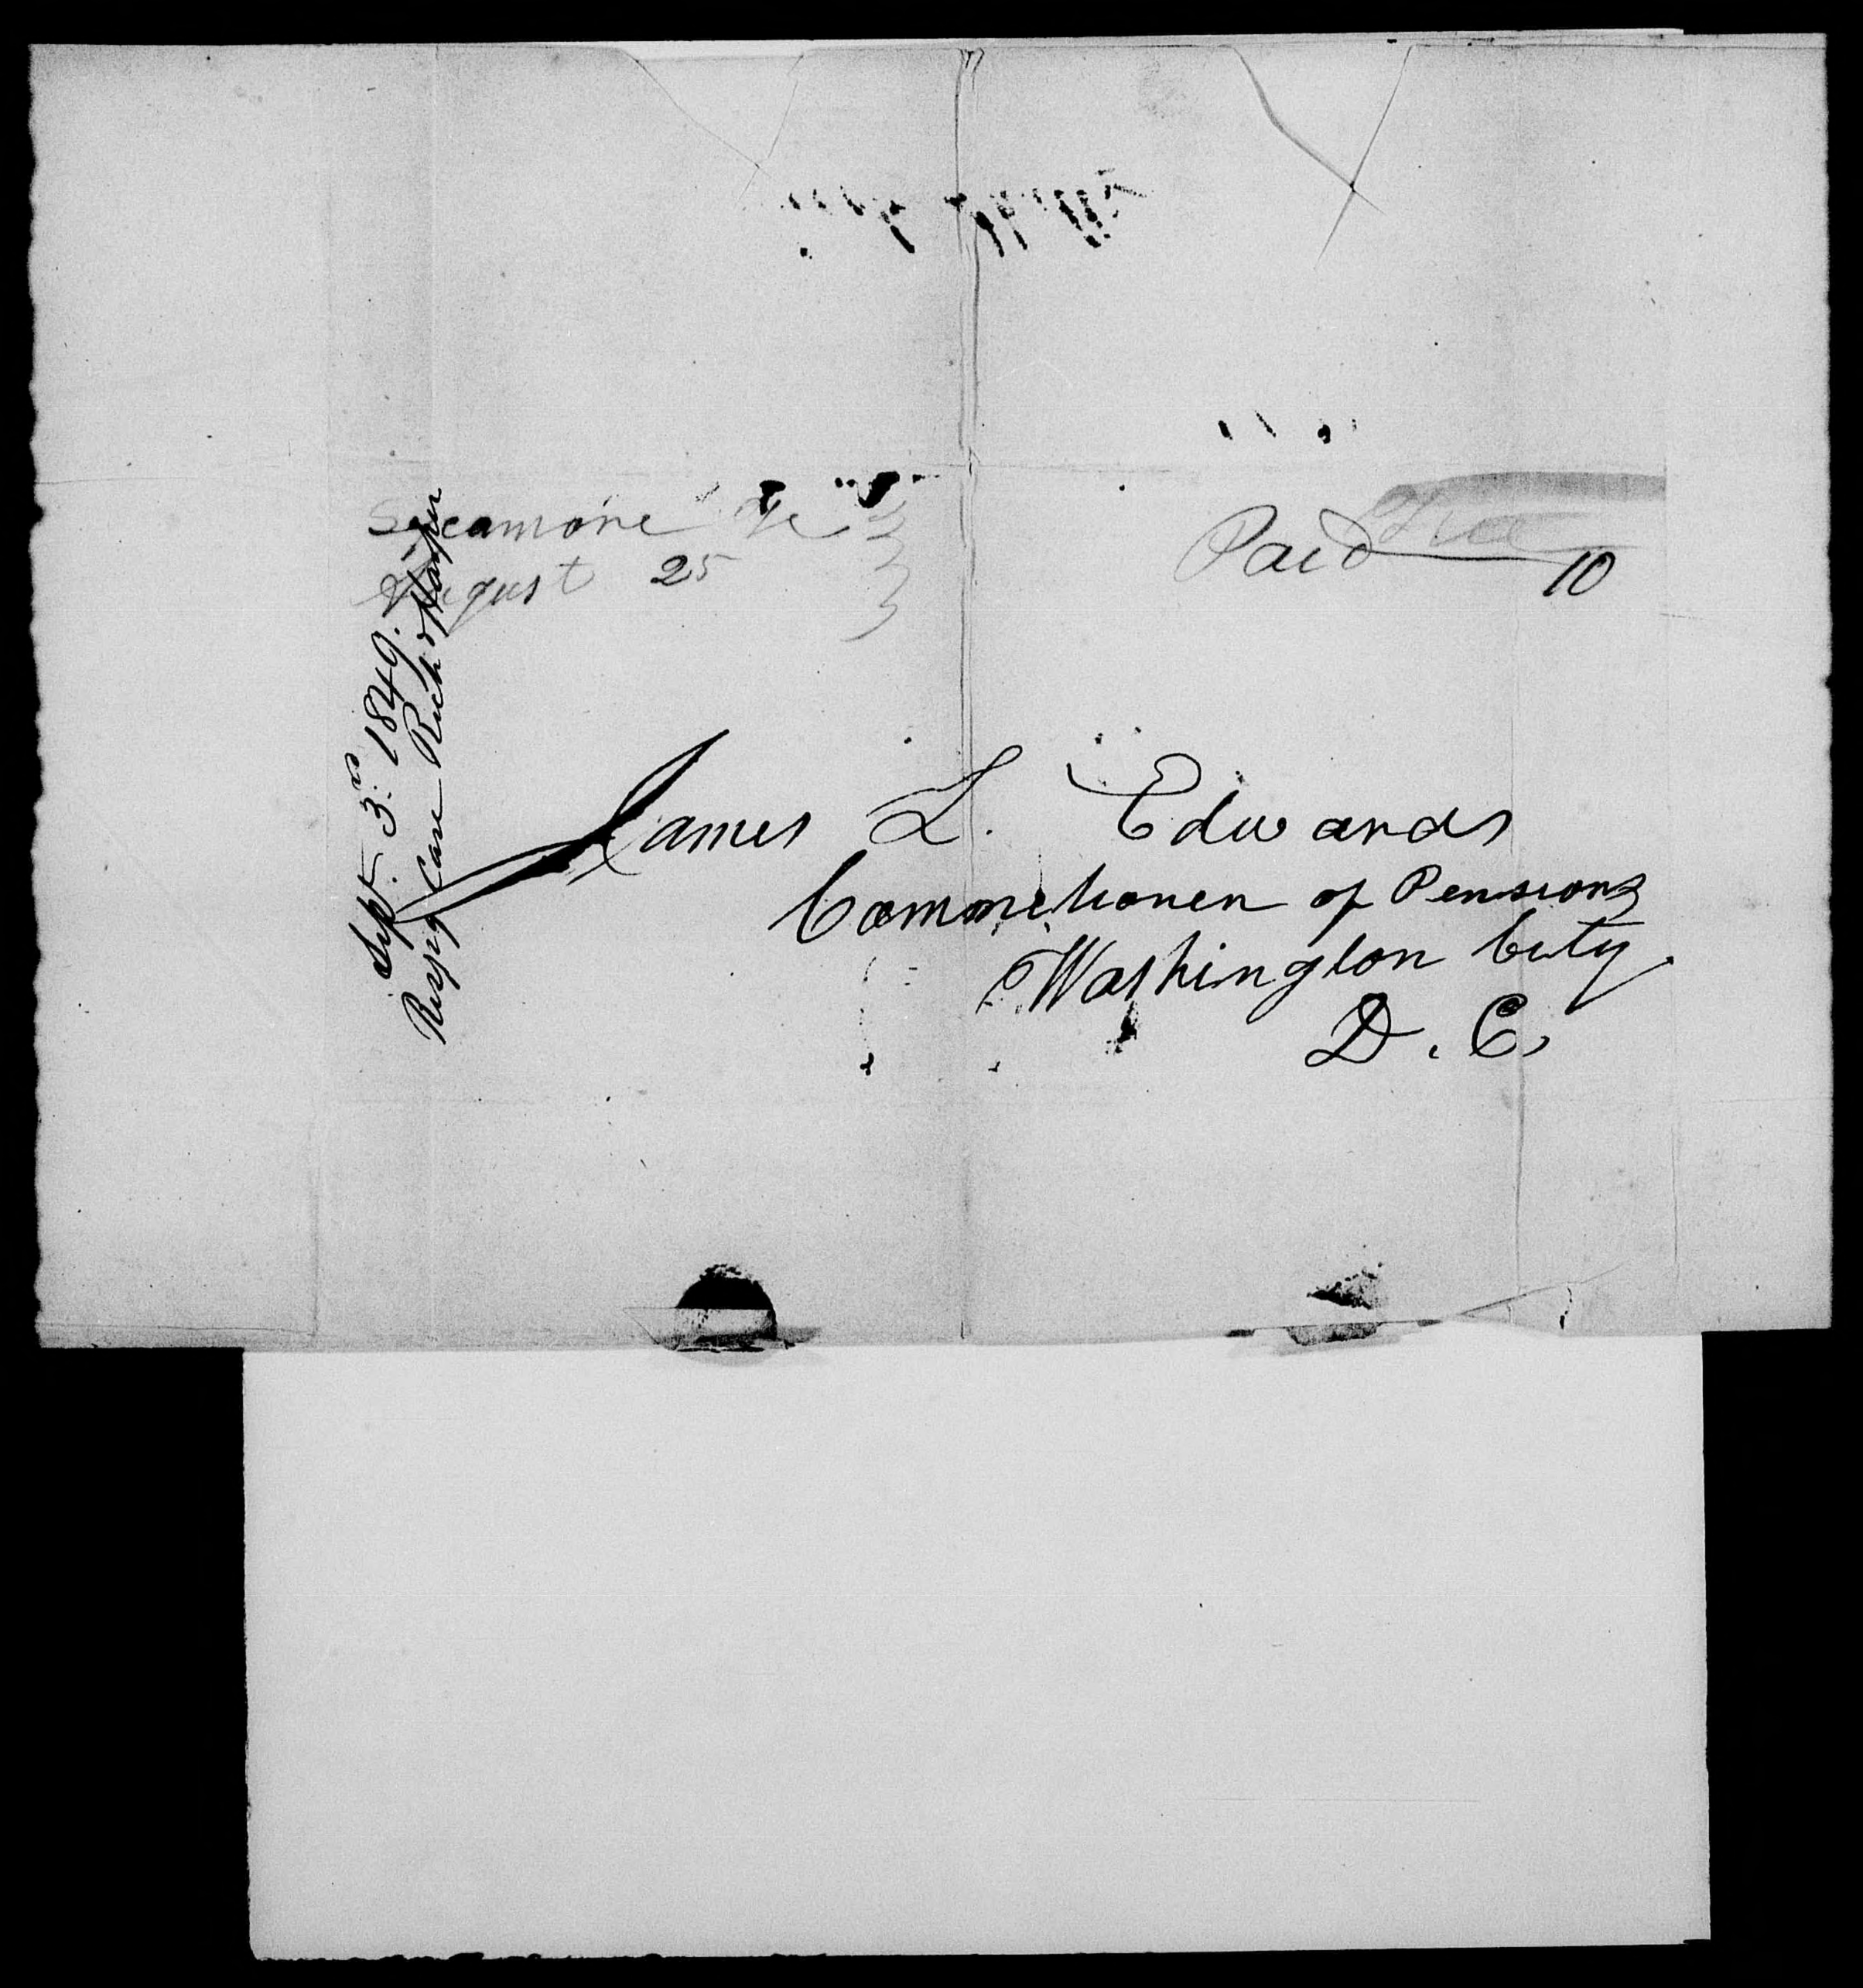[illegible]
August 25

Paid 10

James L Edwards
Commissioner of Pensions
Washington City
D.C.

Sept 3rd 1849
Resp Case Richd [Richard] Harper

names: James L Edwards, Richd Harper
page: 51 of 81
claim: survivor's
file: S. 1908, Richard Harper, N.C.